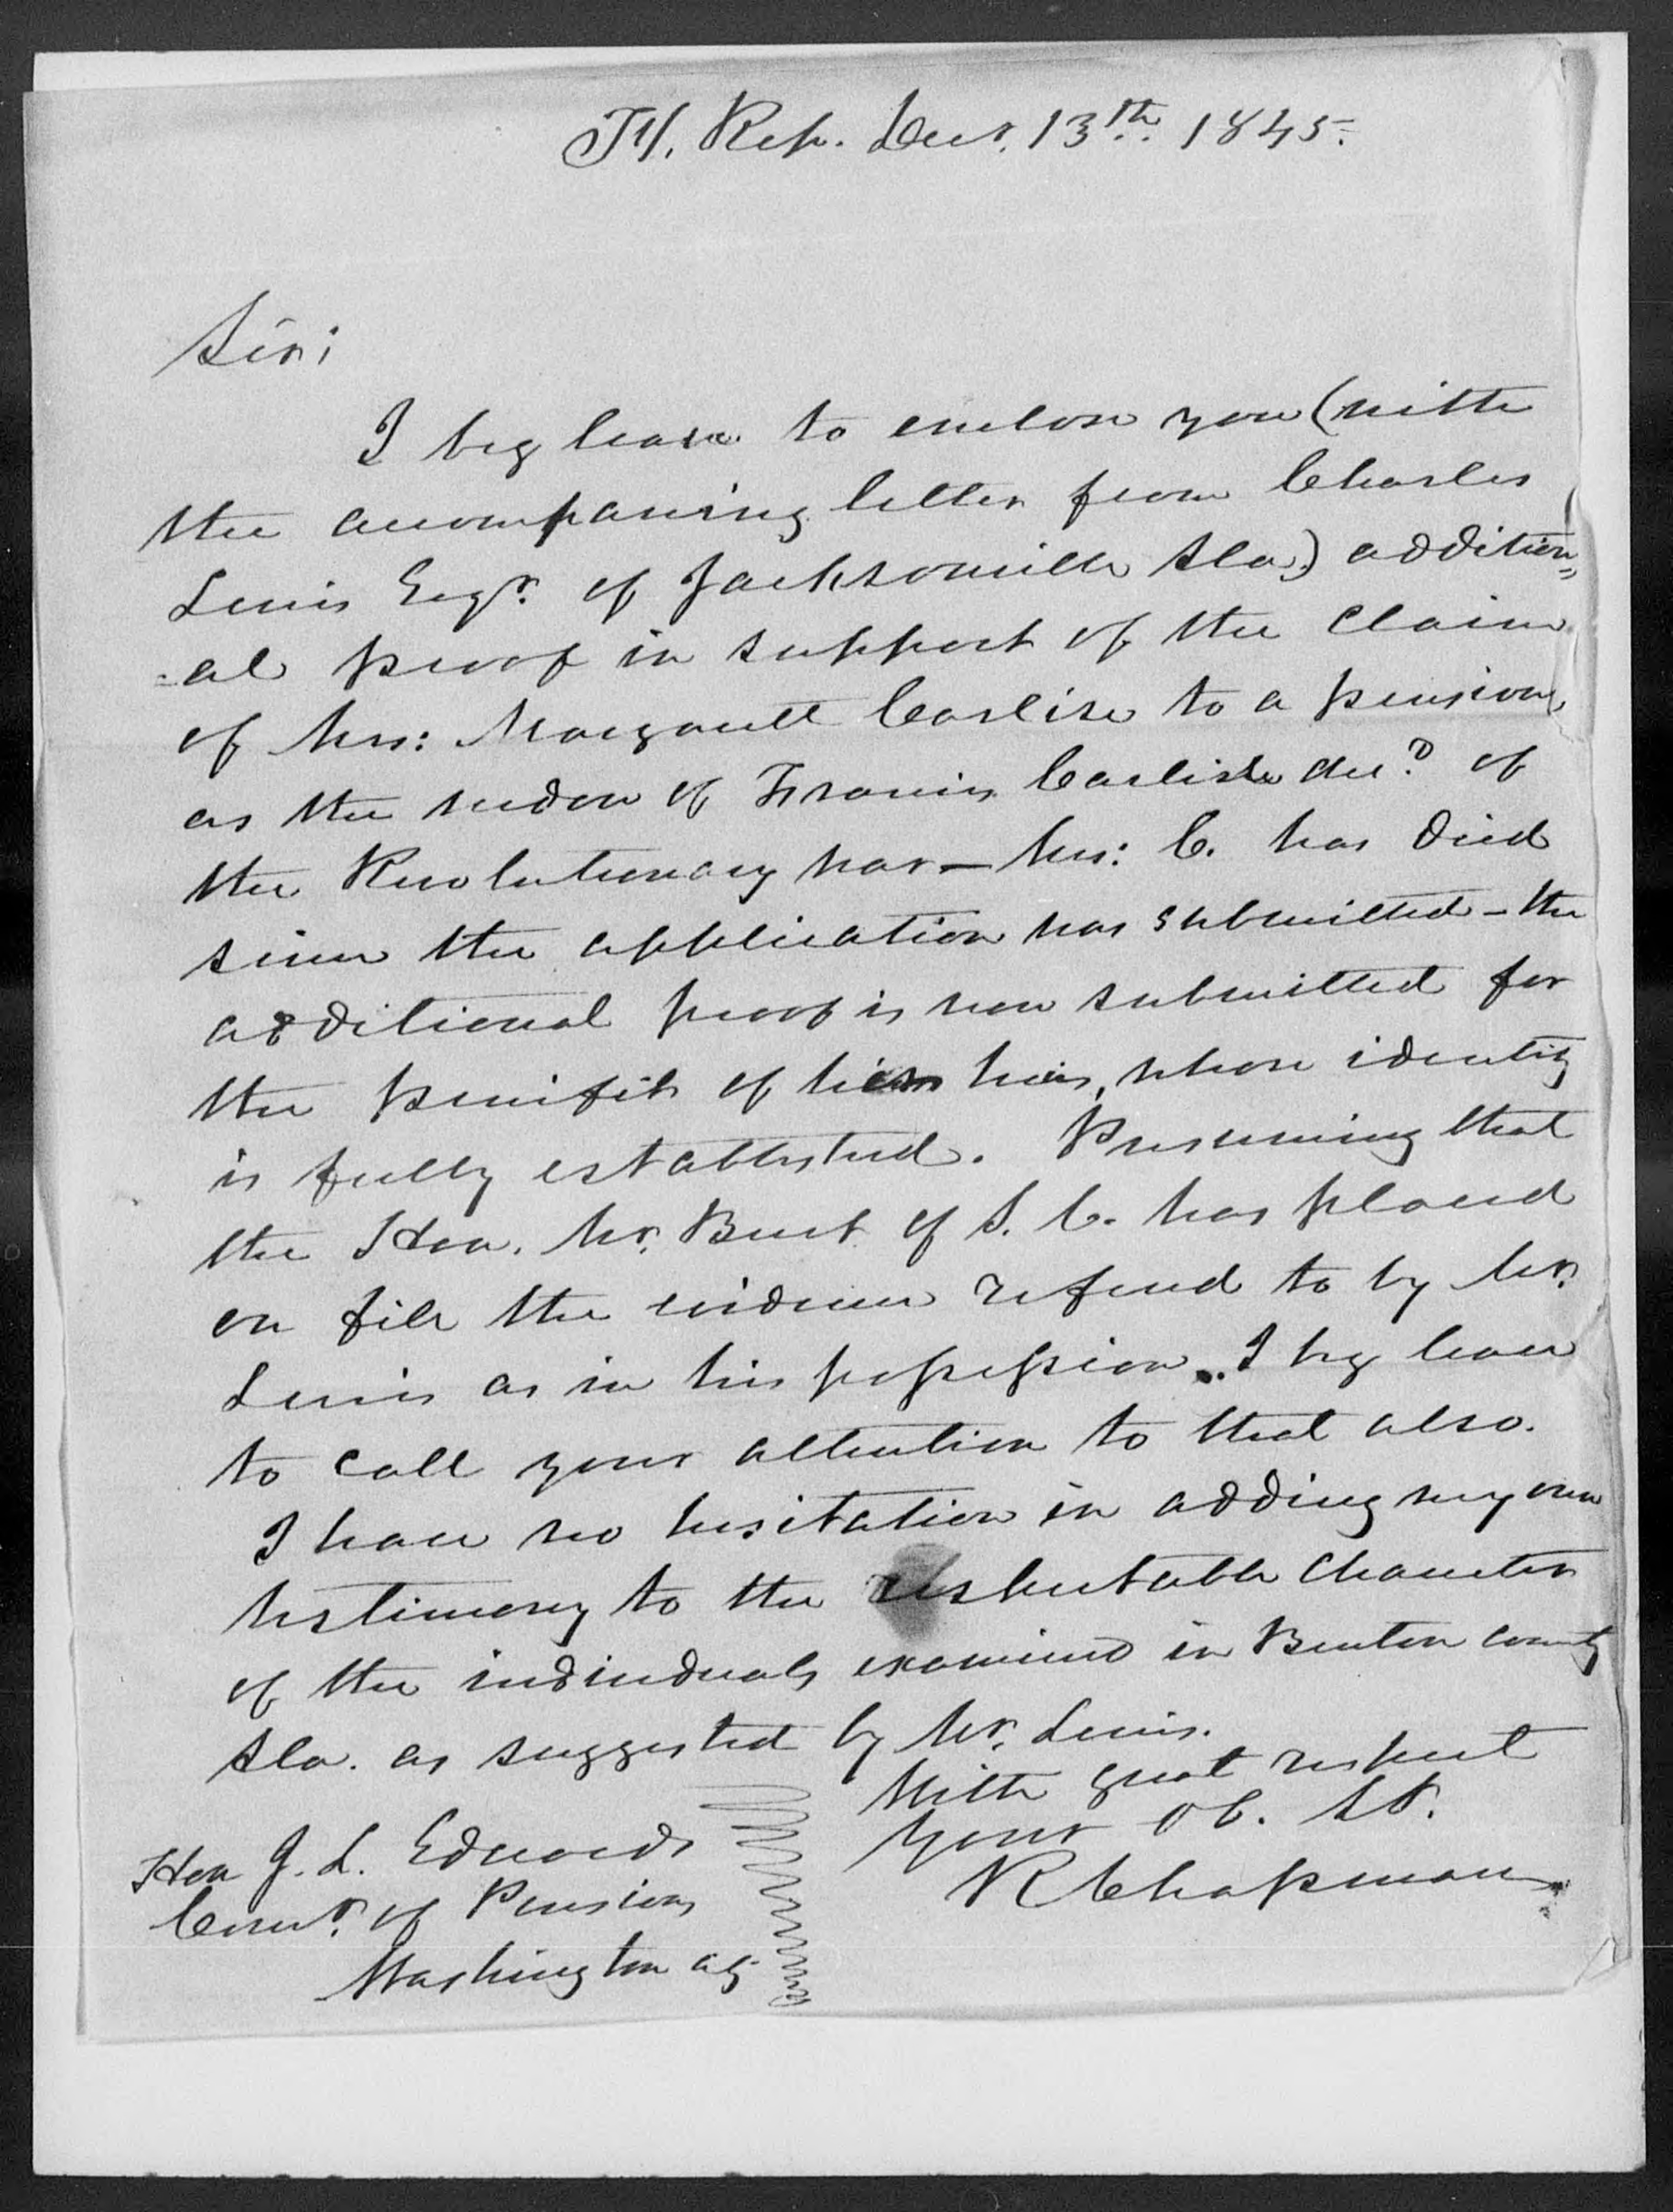H. Rep. Dec. 13th 1845
Sir
I beg leave to enclose you (with the accompanying letter from Charles Lewis Esqr of Jacksonville Ala) additional proof in support of the claim of Mrs. Margaret Carlisle to a pension as the widow of Francis Carlisle decd of the Revolutionary war- Mrs. C has died since in the application was submitted the
additional proof is now submitted for the benefit of his heirs, whose identity is fully established. presuming that the Hon. Mr. Burk of S.C. has placed on file the evidence referred to by Mr. Lewis  as in his possession. I beg leave to call your attention to that also.

I have no hesitation in adding my own testimony to the indisputable character of the individuals examined in Benton County Ala. as suggested by Mr Lewis

with great respect
your ob. St.
R Chapman

Hon J.L. Edwards
Court of Pensions
Washington City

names: Lewis, Francis Carlisle, Lewis, Burt, Margarett Carlise, Charles Lewis, J L Edwards, R Chapman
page: 90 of 91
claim: widow's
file: W. 10576, Francis Carlisle, S.C.